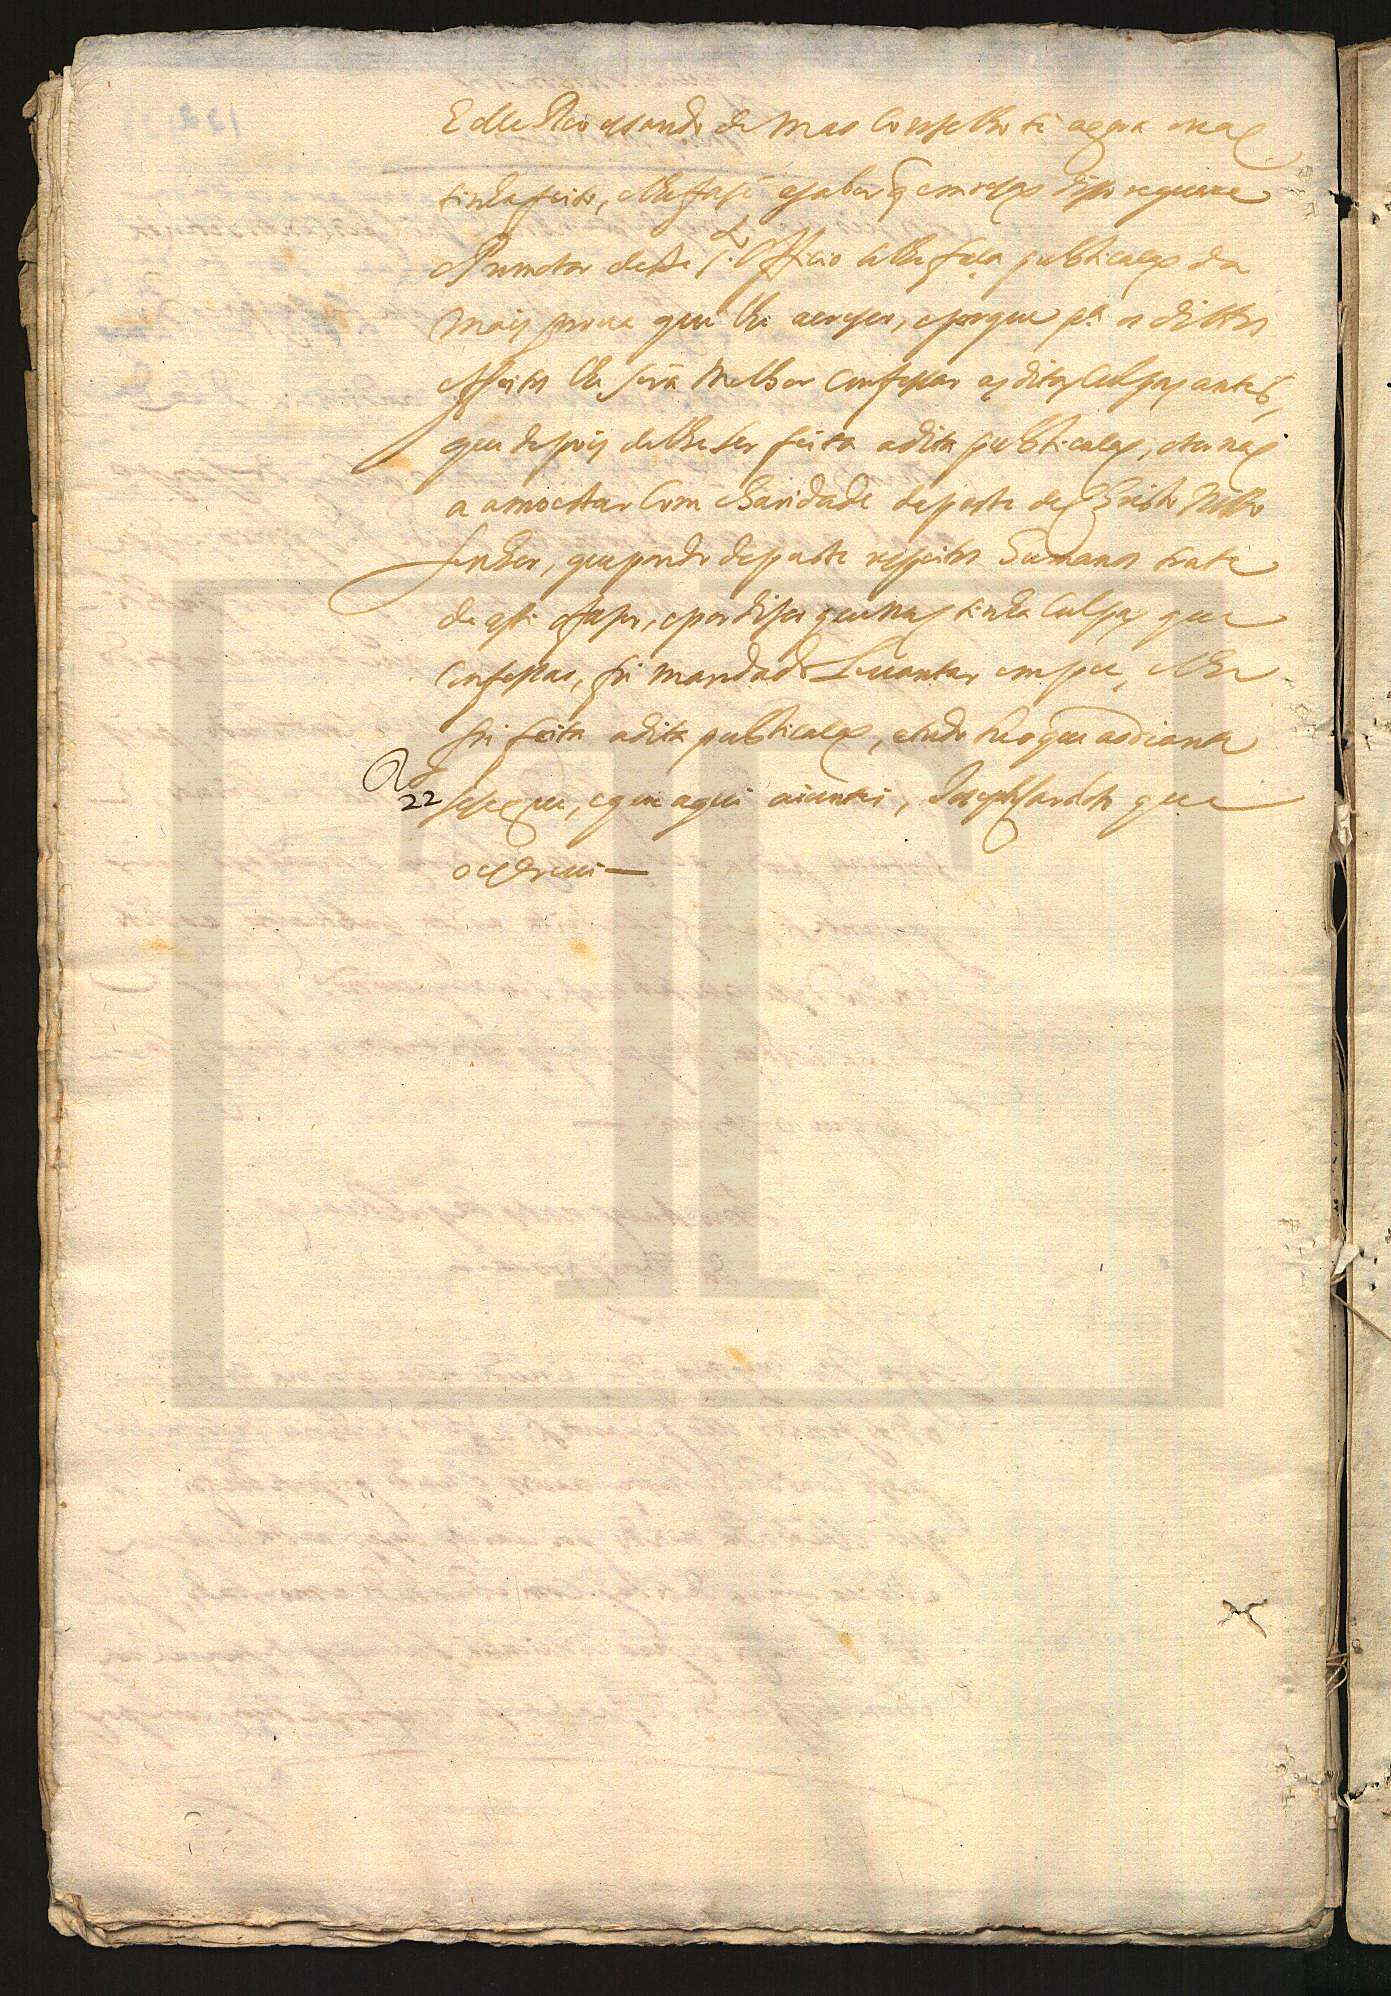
E elle Reo usando de mao conselho te agora naõ
tinha feito, e lhe fasē a saber q̄ em resaõ disso requere
o Promotor deste S.to Officio E lhe faça publicaçaõ da
mais proua que lhe acreser, e porque p.a os dittos
effeitos lhe será melhor confessar as ditas culpas antes,
que depois de lhe ser feita a dita publicaçaõ, o tornaõ
a amoestar com charidade da parte de Christo nosso
Senhor, que pondo de parte respeitos humanos trate
de assi o faser, e por diser que naõ tinha culpas que
confessar, foi mandado Leuantar em pee, e lhe
foi feita a dita publicaçaõ, e tudo he o que ao diante
R 22
se segue, e que aqui asinei, Ioseph Cardoso que
o escreui -
